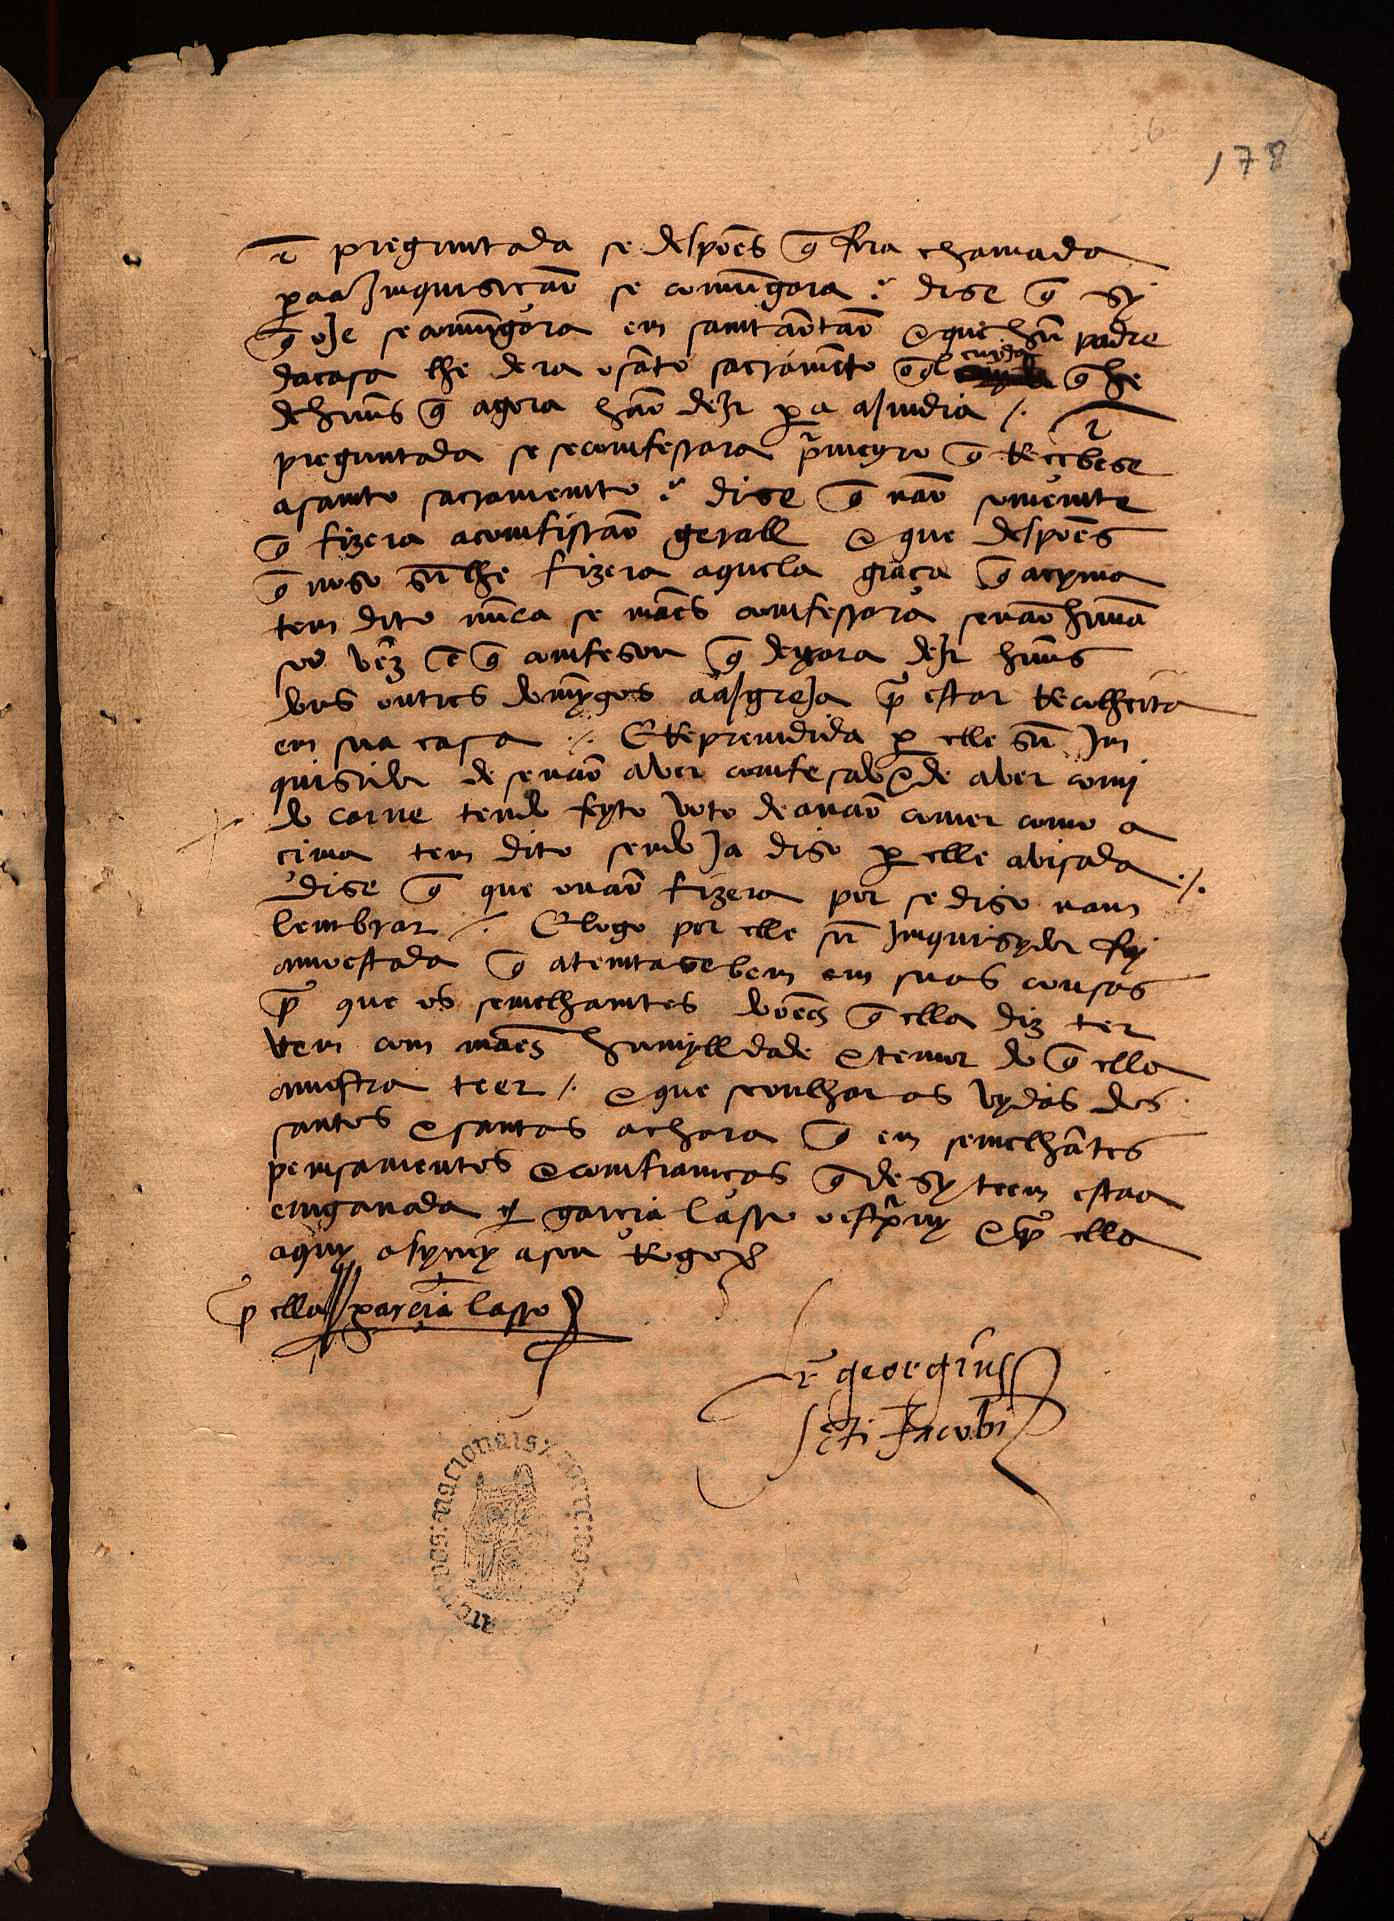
item preguntada se despōes q̄ fora chamada
ꝑa a Jmquisição se comūgara: dise q̄ sy
q̄ oJe se comūgara em samtãotão e que hū padre
cuyda
da casa lhe dera o s̄ato sacramēto o q̄l _ q̄ he
de huūs q̄ agora hão de Jr ꝑa a Jmdia /. ī
preguntada se se comfessara p̄meyro q̄ Recebese
a samto sacramemto? dise q̄ não somemte
q̄ fizera a comfissão gerall e que despoēs
q̄ noso s̄or lhe fizera aquela graça q̄ acyma
tem dito nūca se māes comfessara senão huūa
soo vēz ē q̄ comfesou q̄ dexara de Jr huūs
dous outros domȳgos aa JgreJa p̄o estar Recolheita
em sua casa ./. E Repremdida ꝑ elle s̄or Jm
quisidor de se naõ aver comfesado e de aver comj
do carne tendo feyto voto de a naõ comer como a
cima tem dito semdo Ja diso ꝑ elle avisada
dise q̄ que o naõ fizera por se diso nam
lembrar /. E logo por elle s̄or Jmquisydor foy
amoestada q̄ atemtase bem em suas cousas
p̄o que os semelhamtes doõees q̄ ella diz ter
vem com māes humylldade e temor do q̄ ella
o mostra teer /. e que se oulhar as vydas dos
santos e santas achara q̄ em semelhātes
pemsamentos e comfiamças q̄ de sy teem estaa
emganada c̄ꝭ garcia lasso o estp̄uy e p̄o ella
aquy asyney a seu Rogo
p̄o ella garcia lasso
fr̄ georgius
Sc̄ti Jacobi
